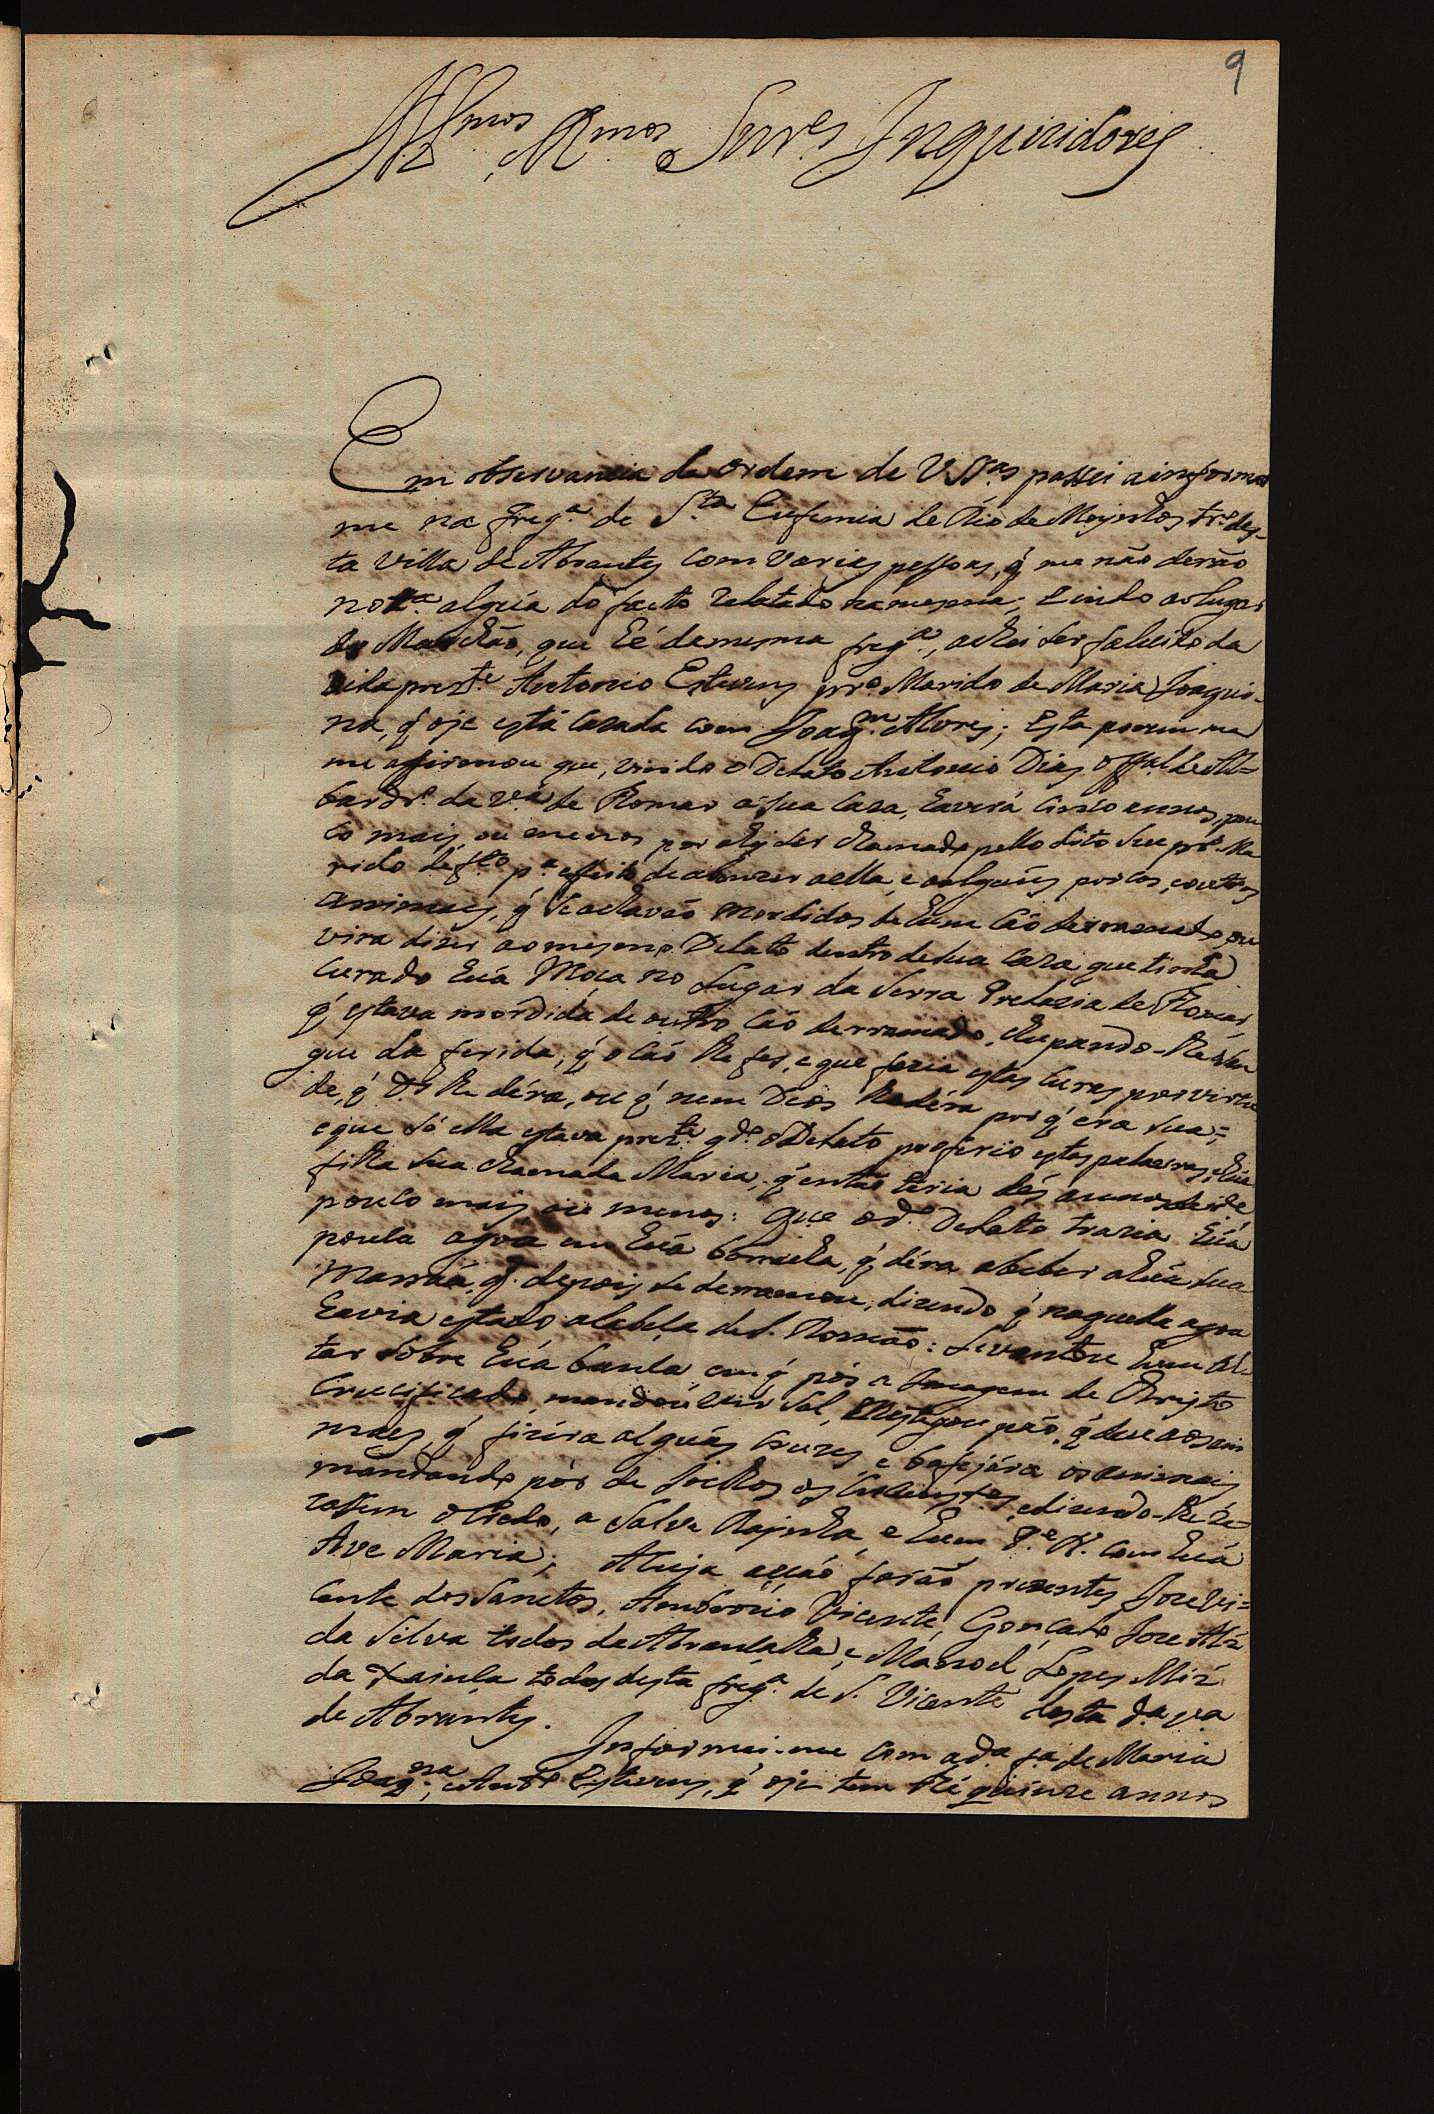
9
Jllmos Rmos Snr.es Jnquizidores
Em observancia da ordem de V.ss.as passei a informa
me na Freg.a de S.ta Eufemia de Rio de Moynhos tr.o des
ta villa de Abrantes com varias pessoas, q̄ me não derão
not.a alguā do facto Relatado na mesma; hindo ao Lugar
d_ Marchão, que hé da mesma freg.a, achei ser falecido da
_ida prez.te Antonio Estevens pr.o Marido de Maria Joaqui
na, q̄ oje está cazada com Joaqm. Alvres; Esta
proxinma
me affirmou que, vindo o Delato Antonio Dias off.al de AL
bardr.o da v.a de Thomar á sua caza, haverá cinco annos, pou
co mais, ou menos por ahy ser chamado pello dito seu pr.o Ma
rido def.to p.a effeito de a benzer a ella, e a alguñs porcos, e outros
animaes, q̄ se achavaõ mordidos de hum Cão derramado, ou
vira dizer ao mesmo Delato dentro de sua Caza que tinha
curado huā moça no Lugar da serra Prelazia de Thomar,
q̄ estava mordida de outro caõ derramado, chupando-lhe san
gue da ferida, q̄ o caõ lhe fes, e que fazia estas curas por virtu
de, q̄ D.s lhe déra, ou q̄ nem Deos lhe déra porq̄ era sua
e que só ella estava prez.te qdo. o Delato proferio estas palavras, e huā
filha sua chamada Maria, q̄ então teria dés annos de id.e
pouco mais ou menos: que o d.o Delato trazia huā
pouca agoa em huā Comcha, q̄ déra a beber a huā sua
mamá q̄ depois se derramou, dizendo q̄ naquella agoa
havia estado a Cabeça de S. Romaõ: Levantou hum al
tar sobre huā banca, em q̄ pós a Imagem de Christo
crucificado, mandou vir sal, Mastigou paõ q̄ deu aos ani
maez, q̄ fizéra alguās cruzes e bosejára os animais
mandando pór de Joelhos os circunst.es, e dizendo-lhe Re
zassem o Credo, a salve Raynha, e hum P.e N. com huā
Ave Maria; A cuja aççaõ forão prezentes Joze vi
cente dos Sanctos, Ambrozio Vicente, Gonçalo Joze Alz̄
da Silva todos de Abrançalha, e Manoel Lopes Miz̄,
da Xainça todos desta freg.a de S. Vicente desta d.a v.a
de Abrantes.
Jnformei-me com a d.a f.a de Maria
Joaq.na, e Anto Estevens, q̄ oje tem thé quinze annos
